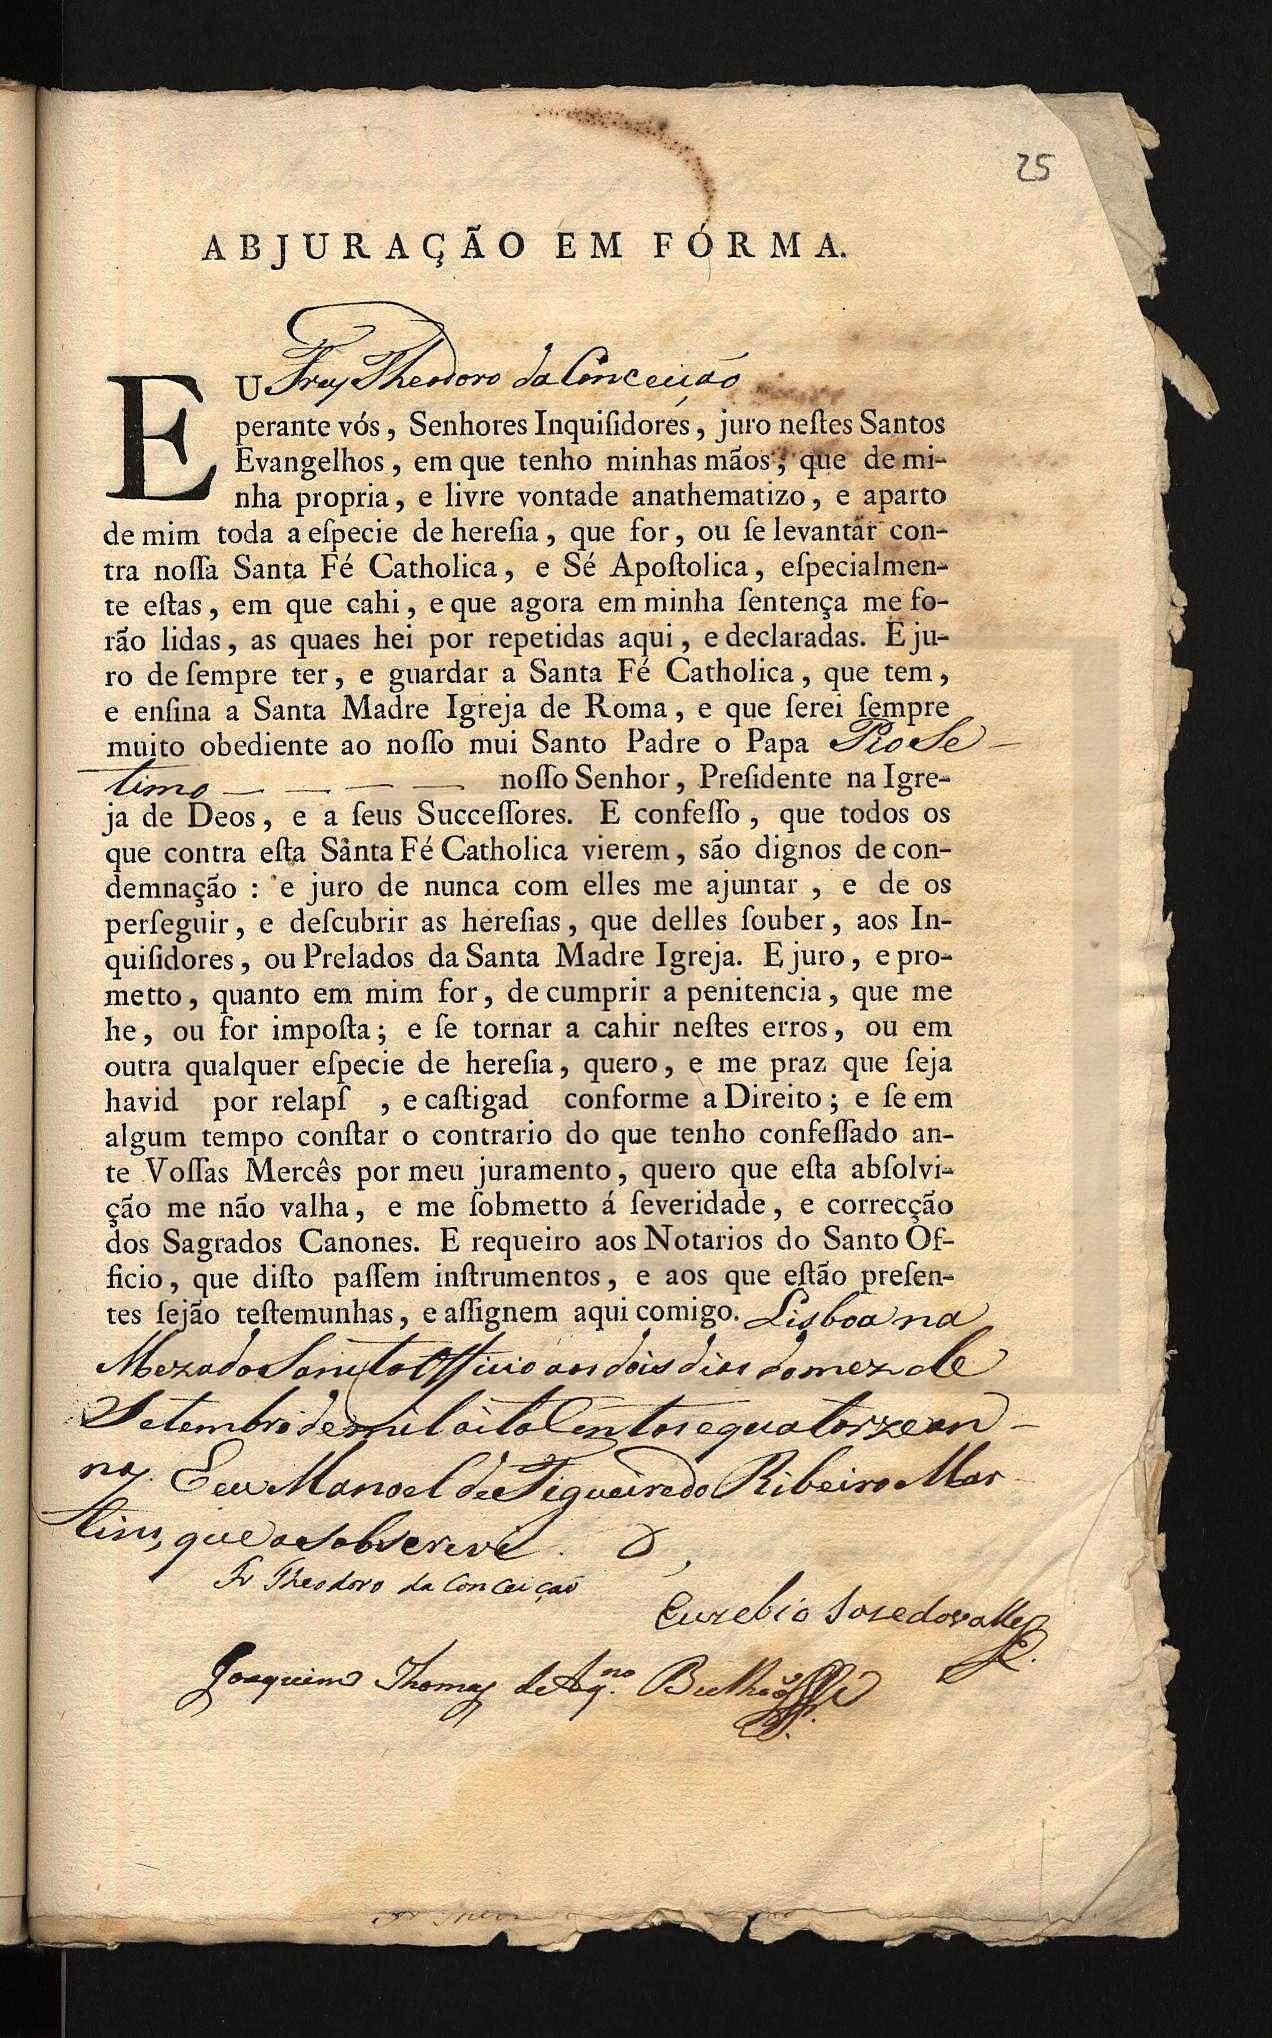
ABJURAÇÃO EM FÓRMA.
E
U Frey Theodoro da Conceiçaõ
perante vós, Senhores Inquisidores, juro nestes Santos
Evangelhos, em que tenho minhas mãos, que de mi
nha propria, e livre vontade anathematizo, e aparto
de mim toda a especie de heresia, que for, ou se levantar con
tra nossa Santa Fé Catholica, e Sé Apostolica, especialmen
te estas, em que cahi, e que agora em minha sentença me fo
rão lidas, as quaes hei por repetidas aqui, e declaradas. E ju
ro de sempre ter, e guardar a Santa Fé Catholica, que tem,
e ensina a Santa Madre Igreja de Roma, e que serei sempre
muito obediente ao nosso mui Santo Padre o Papa Pio Se
timo
nosso Senhor, Presidente na Igre
ja de Deos, e a seus Successores. E confesso, que todos os
que contra esta Santa Fé Catholica vierem, são dignos de con
demnação: e juro de nunca com elles me ajuntar, e de os
perseguir, e descubrir as heresias, que delles souber, aos In
quisidores, ou Prelados da Santa Madre Igreja. E juro, e pro
metto, quanto em mim for, de cumprir a penitencia, que me
he, ou for imposta; e se tornar a cahir nestes erros, ou em
outra qualquer especie de heresia, quero, e me praz que seja
havid por relaps , e castigad conforme a Direito; e se em
algum tempo constar o contrario do que tenho confessado an
te Vossas Mercês por meu juramento, quero que esta absolvi
ção me não valha, e me sobmetto á severidade, e correcção
dos Sagrados Canones. E requeiro aos Notarios do Santo Of
ficio, que disto passem instrumentos, e aos que estão presen
tes sejão testemunhas, e assignem aqui comigo. Lisboa na
Meza do Sancto Officio aos dois dias do mez de
Setembro de mil oitoCentos e quatorze an
nos. E eu Manoel de Figueiredo Ribeiro Mar
tins, que o sobscrevi.
Fr Theodoro da Conceiçaõ
Euzebio Ioze do valle
Joaquim Thomas de Aq.no Bulheos
